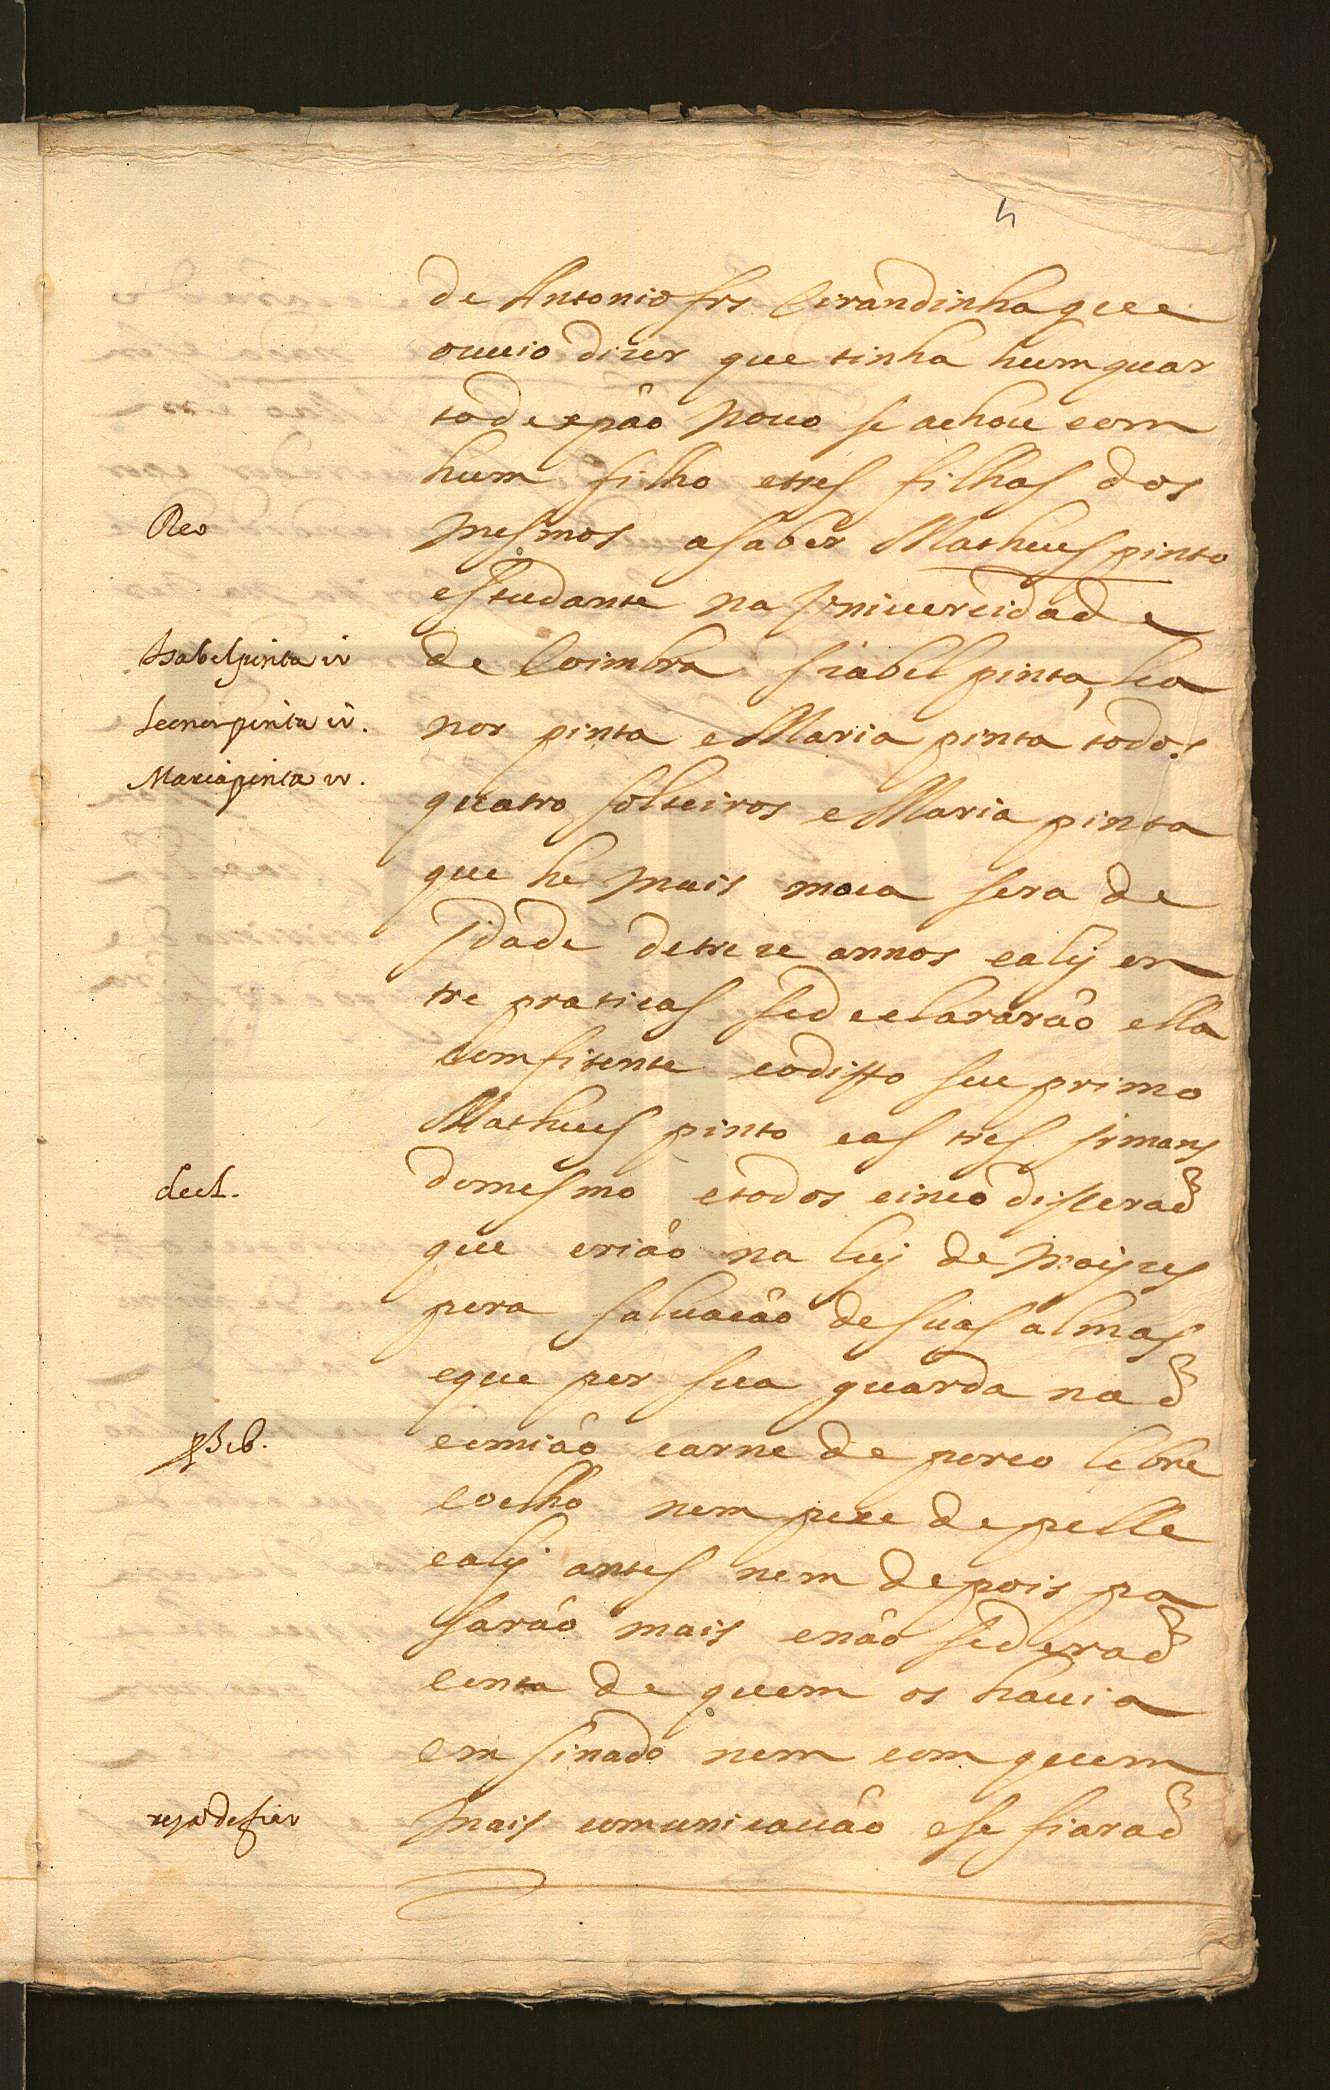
de Antonio frs Cirandinha que
ouuio dizer que tinha hum quar
to de xpão nouo se achou com
hum filho e tres filhas dos
mesmos a saber Matheus pinto
estudante na Vniuercidade
de Coimbra Jzabel pinta, Lea
nor pinta e Maria pinta todos
quatro solteiros e Maria pinta
que he mais moca sera de
jdade de treze annos e ahy en
tre praticas se declararaõ ella
comfitente e o ditto seu primo
Matheus pinto e as tres jrmans
do mesmo e todos cinco disseraõ
que criaõ na ley de moyzes
pera saluacaõ de suas almas
e que por sua guarda naõ
comiaõ carne de porco lebre
coelho nem pexe de pelle
e aly antes nem depois pa
saraõ mais e naõ se deraõ
conta de quem os hauia
emsinado nem com quem
mais comunicauaõ e se fiaraõ
Reo
Isabel pinta ir
Leonor pinta ir.
Maria pinta ir.
decl.
ꝓhib.
rezaõ de fiar
